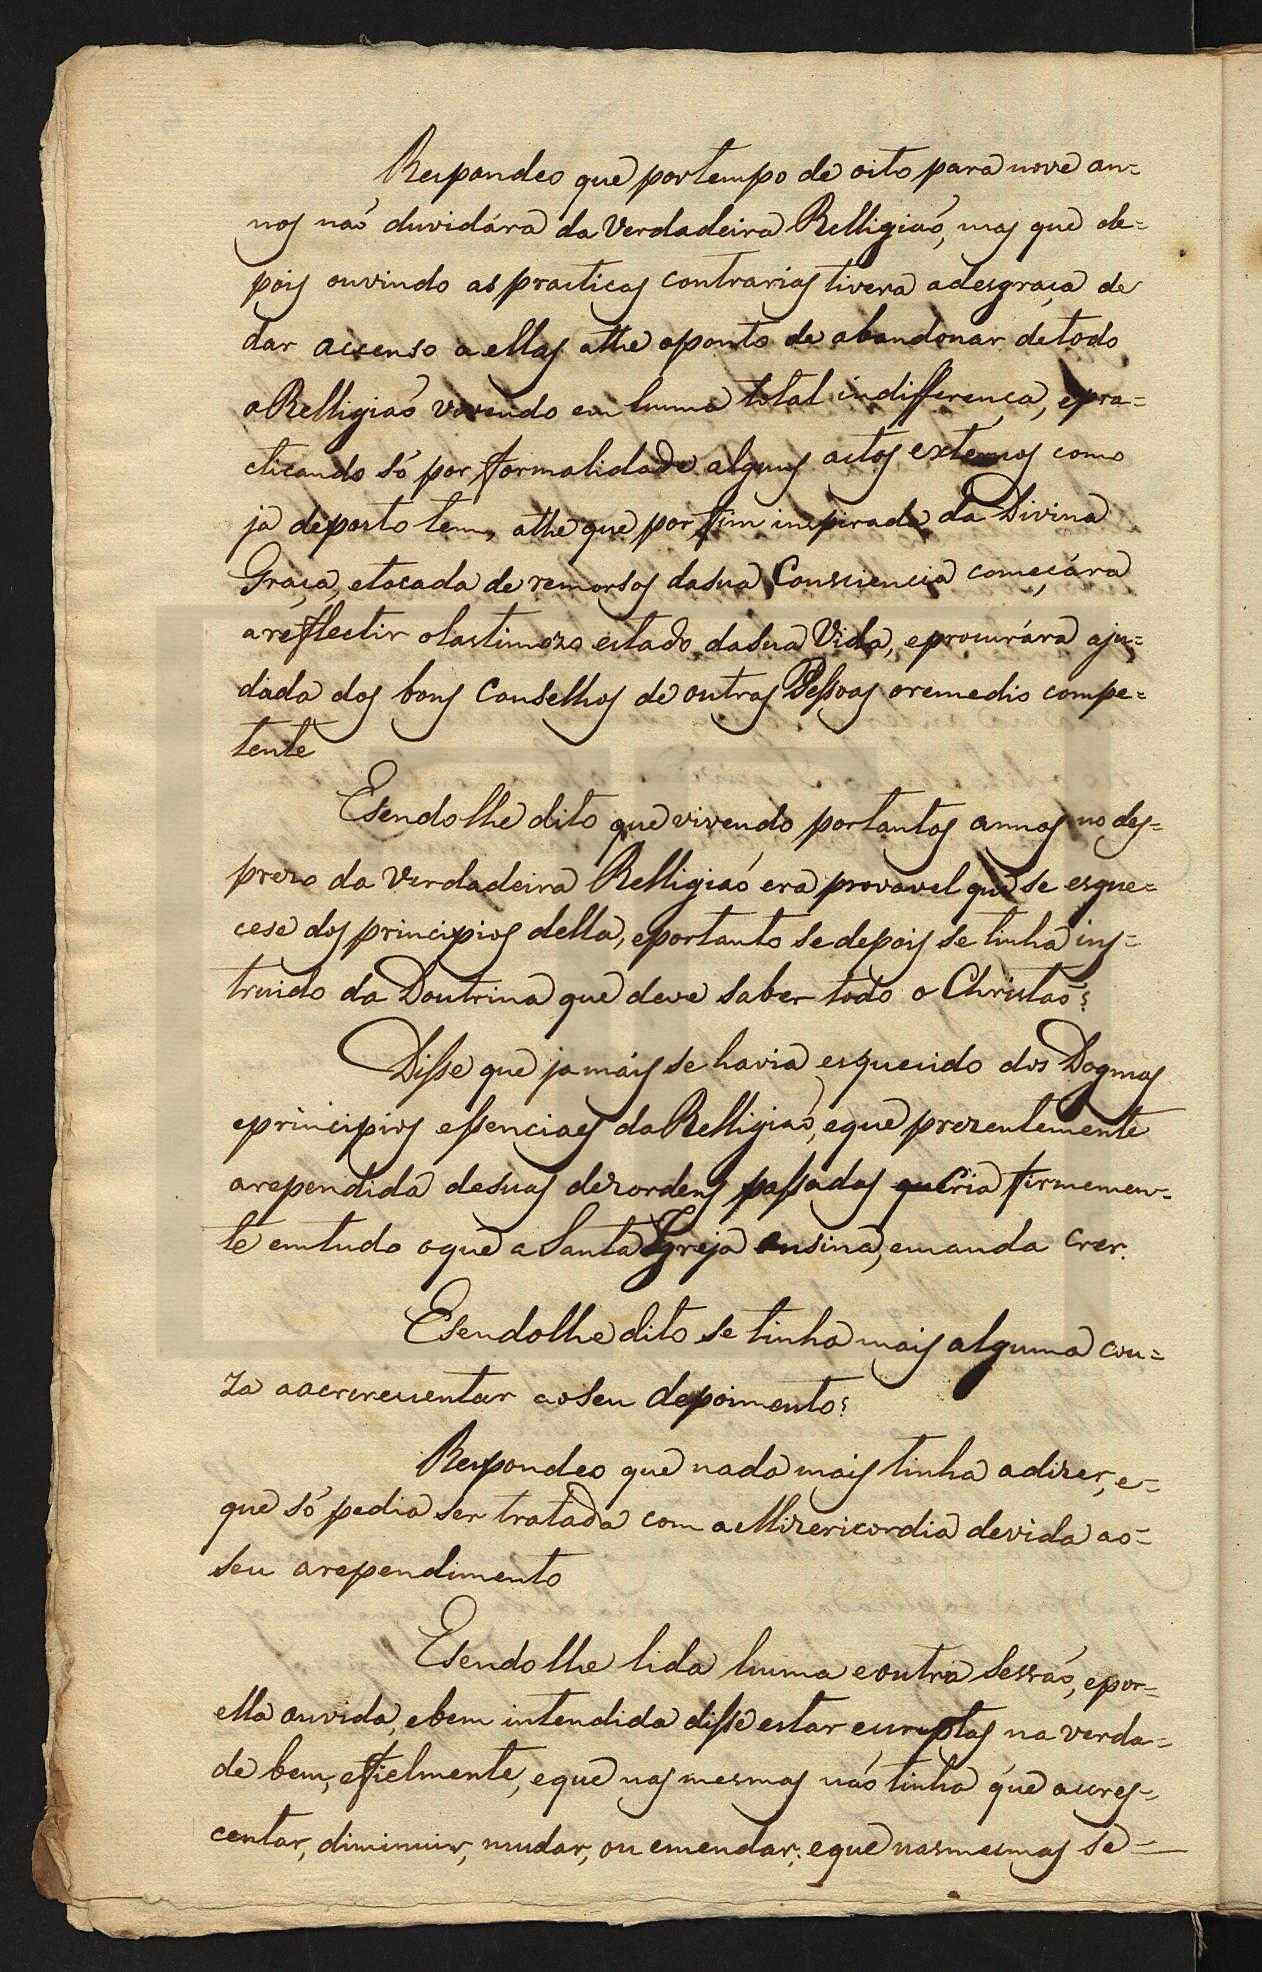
Respondeo que por tempo de oito para nove an
nos naõ duvidára da Verdadeira Relligiaõ, mas que de
pois ouvindo as practicas contrarias tivera a desgraça de
dar accenso a ellas athe o ponto de abandonar de todo
a Relligiaõ vivendo em huma total indifferença, e pra
cticando só por formalidade alguns actos externos como
ja deposto tem, athe que por fim inspirada da Divina
Graça, e tocada de remorsos da sua Consciencia começára
a reflectir o lastimozo estado da sua Vida, e procurára aju
dada dos bons conselhos de outras Pessoas o remedio compe
tente
E sendolhe dito que vivendo por tantos annos no des
prezo da verdadeira Relligiaõ era provavel que se esque
cese dos principios della, e portanto se depois se tinha ins
truido da Doutrina que deve saber todo o Christaõ?
Disse que jamais se havia esquecido dos Dogmas
e principios essenciaes da Relligiaõ, e que prezentemente
arependida de suas dezordens passadas quCria firmemen
te em tudo o que a Santa Igreja ensina, e manda crer.
E sendolhe dito se tinha mais alguma cou
za a a acrerescentar ao seu depoimento?
Respondeo que nada mais tinha a dizer, e
que só pedia ser tratada com a Mizericordia devida ao
seu arependimento
E sendolhe lida huma e outra Sessaõ, e por
ella ouvida, e bem intendida disse estar escriptas na verda
de bem, e fielmente, e que nas mesmas naõ tinha que acres
centar, diminuir, mudar, ou emendar; e que nas mesmas se
